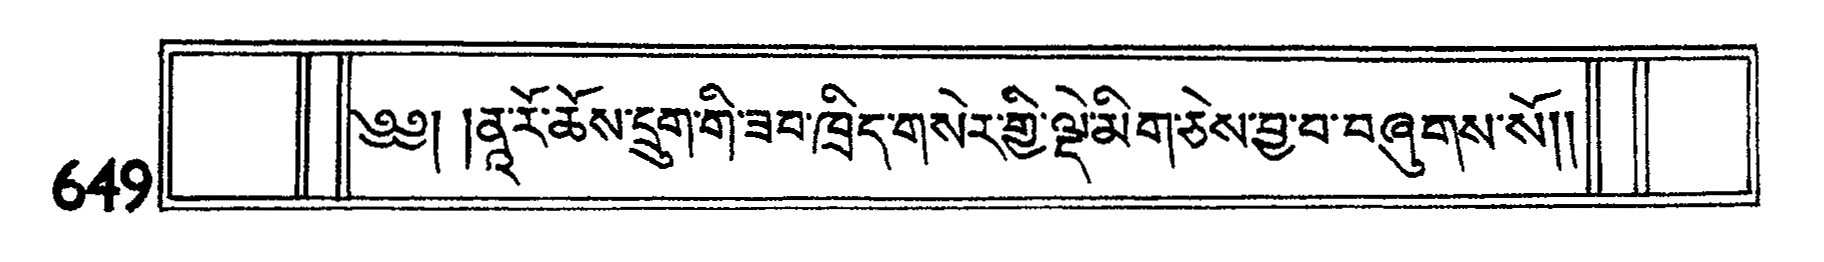༄༅། །ནཱ་རོ་ཆོས་དྲུག་གི་ཟབ་ཁྲིད་གསེར་གྱི་ལྡེ་མིག་ཅེས་བྱ་བ་བཞུགས་སོ། །